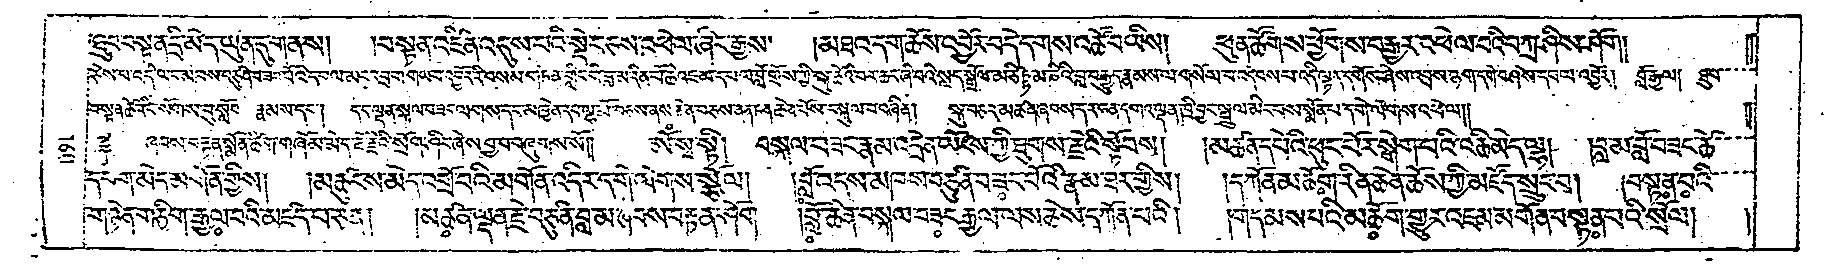ཐུབ་བསྟན་དྲི་མེད་ཡུན་དུ་གནས། །བསྟན་འཛིན་འདུས་པའི་སྡེ་བཅས་འཕེལ་ཞིང་རྒྱས། །མཐའ་དག་ཆོས་འབྱོར་བདེ་དགས་འཚོ་བ་ཡིས། ཕུན་ཚོགས་ཕྱོགས་བརྒྱར་འཕེལ་བའི་བཀྲ་ཤིས་ཤོག ། །།
ཅེས་པ་འདི་ཡང་མཁས་བཙུན་བཟང་པོའི་དཔལ་མང་འབྲག་གཡབ་འབྱོར་རི་བསམ་གཏན་གླིང་གི་བླ་མ་རིན་པོ་ཆེ་འཇམ་དཔལ་བློ་གྲོས་ཀྱི་སྐུ་ཚེའི་བར་ཆད་ཞི་བའི་སླད་སྒྲོལ་མ་ཙིཏྟ་མ་ཎིའི་བླ་བརྒྱུད་རྣམས་ལ་གསོལ་བ་འདེབས་པ་འདི་ལྟར་དགོས་ཞེས་འབྲས་ཉག་དགེ་བཤེས་དཔལ་འབྱོར། བློ་རྒྱལ། །ཐུབ་
བསྟན་ཚེ་རིང་སོགས་བུ་སློབ་རྣམས་དང་། དད་ལྡན་སྐལ་བཟང་ལགས་དང་མཁྱེན་རབ་ལྷ་མོ་བཅས་ནས་རྟེན་བཅས་ནན་ཏན་ཆེན་པོས་བསྐུལ་བ་བཞིན། སྐུ་བཅར་མཚན་ཞབས་དར་ཧན་དགའ་ལྡན་ཁྲི་བྱང་སྤྲུལ་མིང་པས་སྨོན་པ་དགེ་ལེགས་འཕེལ།། །།
༈ ཞབས་བརྟན་སྨོན་ཚིག་གཞོམ་མེད་རྡོ་རྗེའི་སྲོག་ཤིང་ཞེས་བྱ་བ་བཞུགས་སོ།། ཨོཾ་སྭ་སྟི། བསྐལ་བཟང་རྣམ་འདྲེན་ཡོངས་ཀྱི་ཐུགས་རྗེའི་སྟོབས། །མཚན་དཔེའི་ཕུང་པོར་སྒེག་པའི་འཆི་མེད་ལྷ། །བླ་མ་བློ་བཟང་ཚེ་
དཔག་མེད་མགོན་གྱིས། །མཚུངས་མེད་འགྲོ་བའི་མགོན་འདིར་དགེ་ལེགས་སྩོལ། །བློ་འདས་མཁས་བཙུན་བཟང་པོའི་རྣམ་ཐར་གྱིས། །དཀོན་མཆོག་རིན་ཆེན་ཆོས་ཀྱི་མཛོད་སྲུང་བ། །བསྟན་པའི་
གཉེན་གཅིག་རྒྱལ་བའི་མཛད་པ་ཅན། །མཚན་ལྡན་རྗེ་བཙུན་བླ་མ་ཞབས་བརྟན་ཤོག །བློ་ཆེན་བསྐལ་བཟང་རྒྱལ་ལས་ཆེས་དཀོན་པའི། །གདམས་པའི་མཆོག་གྱུར་འཇམ་མགོན་བསྟན་པའི་སྲོལ། །